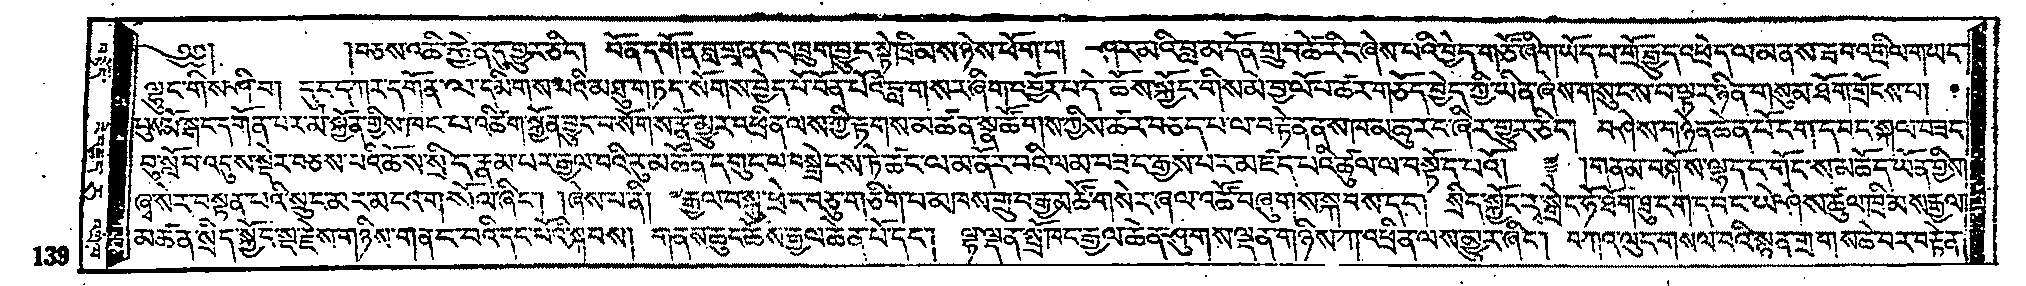༄༅། །བཅས་འཆི་རྐྱེན་དུ་གྱུར་ཅིང་། བོན་དགོན་བླ་གྲྭ་ནང་འཁྲུག་བྱུང་སྟེ་ཁྲིམས་ཉེས་ཕོག་པ། ཤར་མའི་བླ་མ་དོན་གྲུབ་ཚེ་རིང་ཞེས་པའི་བྱེད་གཙོ་ཞིག་ཡོད་པ་གྲོ་རྒྱུད་འཕྲེལ་ལམ་ནས་རྦབ་འགྲིལ་གཡང་
ལྷུང་གིས་ཤི་བ། དུང་དཀར་དགོན་ལ་དམིགས་པའི་མཐུ་གཏད་སོགས་བྱེད་པོ་བོན་པོའི་བླ་གསར་ཞིག་འབྱོར་པ་དེ་ཆོས་སྐྱོང་གིས་མེ་བྱ་ལོ་པ་ཚར་གཅོད་བྱེད་ཀྱི་ཡིན་ཞེས་གསུངས་པ་ལྟར་ཉིན་གསུམ་ཐོག་གྲོངས་པ།
པུས་མོ་སྒང་དགོན་པར་མི་སྐྱོན་གྱིས་ཁང་པ་འཚིག་སྐྱོན་བྱུང་བ་སོགས་རྣོ་མྱུར་འཕྲིན་ལས་ཀྱི་རྟགས་མཚན་སྣ་ཚོགས་ཀྱིས་ཚར་བཅད་པ་ལ་བརྟེན་ནས་ཁ་མཆུ་རང་ཞིར་གྱུར་ཅིང་། བཤེས་གཉེན་ཆེན་པོ་ངག་དབང་སྐལ་བཟང་
བུ་སློབ་འདུས་སྡེར་བཅས་པའི་ཆོས་སྲིད་རྣམ་པར་རྒྱལ་བའི་རུ་མཚོན་དགུང་ལ་བསྒྲེངས་ཏེ་ཚང་ལ་མ་ནོར་བའི་ལམ་བཟང་རྒྱས་པར་མཛད་པའི་ཚུལ་ལ་བསྟོད་པའོ། ༈ །གནམ་བསྐོས་ལྷ་དང་གོང་ས་མཆོད་ཡོན་གྱིས་
ཞྭ་སེར་བསྟན་པའི་སྲུང་མར་མངའ་གསོལ་ཞིང་། །ཞེས་པ་ནི། ༈ རྒྱལ་བ་སྐུ་ཕྲེང་བཅུ་གཅིག་པ་མཁས་གྲུབ་རྒྱ་མཚོ་གསེར་ཞལ་འཚོ་བཞུགས་སྐབས་དང་། སྲིད་སྐྱོང་རྭ་སྒྲེང་ཧོ་ཐོག་ཐུན་ངག་དབང་ཡེ་ཤེས་ཚུལ་ཁྲིམས་རྒྱལ་
མཚན་སྲིད་སྐྱོང་སྔ་རྗེས་གཉིས་གནང་བའི་དང་པོའི་སྐབས། གནས་ཆུང་ཆོས་རྒྱལ་ཆེན་པོ་དང་། ལྷ་ལྡན་སྤྲོ་ཁང་རྒྱལ་ཆེན་ཤུགས་ལྡན་གཉིས་ཀ་འཕྲིན་ལས་མྱུར་ཞིང་། བཀའ་ལུང་གསལ་བའི་སྙན་གྲགས་ཆེ་བར་བརྟེན་